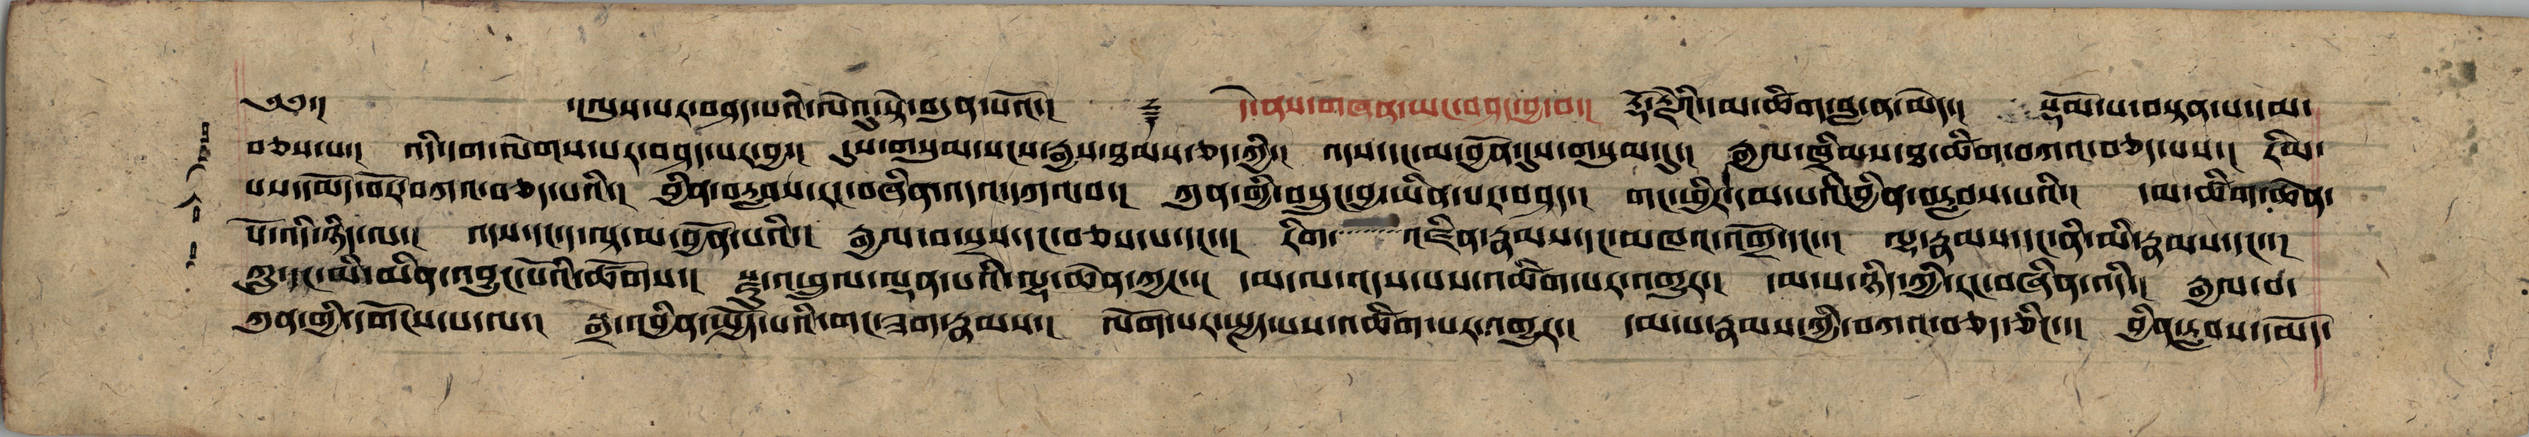༄༅་། ་།ལུས་པར་བཤད་པའི་ལེའུ་སྟེ་བདུན་པའོ་། ࿑ དེ་ནས་གཞན་ཡང་བཤད་བྱ་བ་། རྡོ་རྗེའི་དམ་ཚིག་བླ་ན་མེད་། སྡོམ་པ་བསྟན་པ་དམ་
བཅས་པ་། འདི་དག་ལེགས་པར་བཤད་པར་བྱ་། དུས་གསུམ་སངས་རྒྱས་ཐམས་ཅད་ཀྱི་། འདས་དང་མ་བྱོན་དུས་གསུམ་དུ་། རྒྱལ་ཁྲིམས་ཐ་ཚིག་བཀའ་བཅད་པས་། རིམ་
པས་དམོད་བོར་བཀའ་བཅད་པའི་། བྱིན་བརླབས་རང་བཞིན་འདའ་དཀའ་བ་། ཀུན་གྱི་བསྲུང་བྱ་ཡིན་པར་བཤད་། གང་ཕྱིར་དམ་པའི་བྱིན་བརླབས་པའི་། དམ་ཚིག་ཆེན་
སོ་འདི་ཉིད་ལ་། འདས་དང་ད་ལྟ་མ་བྱོན་པའི་། རྒྱལ་བ་སྲས་དང་བཅས་པ་དང་་། རིག་་་་་་་་འཛིན་རྣམས་དང་མཁའ་འགྲོ་དང་་། ལྷ་རྣམས་དང་ནི་མི་རྣམས་དང་་།
ཀླུ་དང་མི་མིན་འབྱུང་པོའི་ཚོགས་། སྫུ་འཕྲུལ་ལྡན་པའི་ལྷ་ཆེན་ཀྱང་་། དམ་ལ་འདས་པས་འཚིག་པར་འགྱུར་། དམ་པ་ཉིད་ཀྱི་རང་བཞིན་འདི་། རྒྱལ་བ་
ཀུན་གྱི་དགོངས་པ་ལ་། སྒྲ་འབྱིན་སྤྱོད་པའི་གང་ཟག་རྣམས་། ལོག་པར་སྤྱད་པས་འཚིག་པར་འགྱུར་། དམ་པ་རྣམས་ཀྱི་བཀའ་བཅད་ཅིང་་། བྱིན་རླབས་དམོད་